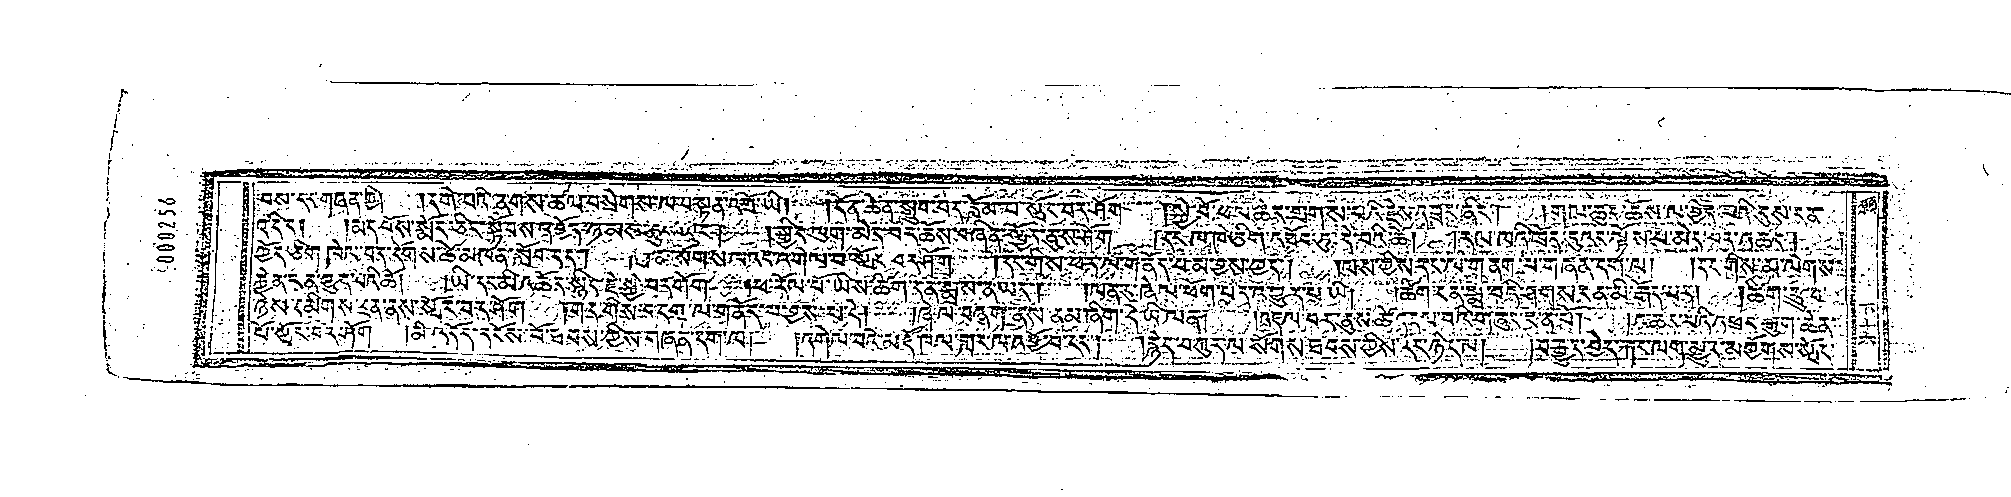བས་རང་གཞན་གྱི། །དགེ་བའི་ནགས་ཚལ་བསྲེགས་ལ་བསྟན་འགྲོ་ཡི། །དོན་ཆེན་སྒྲུབ་བར་རློམ་བ་སྤོང་བར་ཤོག །སྐྱེ་བོ་ཕན་ཆེར་གྲགས་པའི་རྗེས་འབྲང་ཞིང་། །གལ་ཆུང་ཆོས་ལ་བྱེད་པའི་དུས་དན་
འདིར། །མང་པོས་སྨོད་ཅིང་སྟོབས་འབྱོར་ཉམས་ཆུང་ཡང་། །སྒྱིད་ལུག་མེད་བར་ཆོས་བཞིན་སྤྱོད་ནུས་ཤོག །རང་ལ་ཁེ་ཅིག་འཐོབ་ཏུ་དེ་བའི་ཚེ། །རལ་ཁའི་ཁྲོད་དུའང་ལྟོས་པ་མེད་པར་འཚང་། །
ཀྱོང་ཅིག་ཁེལ་བར་དོགས་ཚེ་མཁན་སློབ་དང་། །ཁྲམ་སོགས་ལའང་འགེལ་བ་སྤོང་བར་ཤོག །རང་གིས་ཕར་ལ་གནོད་པ་མ་བྱེད་ཀྱང་། །ལས་ཀྱིས་རང་ལ་གནག་པ་གཞན་དག་ལ། །རང་གིས་མ་ལེགས་
རྐྱེན་ངན་བྱུང་བའི་ཚེ། །ཡི་དང་མི་འཆོད་སྙིང་རྗེ་སྐྱེ་བར་ཤོག །ཕ་རོལ་པོ་ཡིས་ཚིག་དན་སྨྲས་ན་ཡང་། །ལན་དུ་ཞེ་ལ་ཕོག་པར་འགྱུར་པ་ཡི། །ཚིག་ངན་སྨྲ་བའི་ཤགས་ངན་མི་རྒོད་པར། །ཚིག་རྩུབ་
ཉེས་དམིགས་དྲན་ནས་སྤོང་བར་ཤོག །གང་གིས་བདག་ལ་གནོད་པ་བྱས་པ་དེ། །ཞེ་ལ་བཞག་ནས་ནམ་ཞིག་དེ་ཡི་ལན། །འཇལ་བར་ནུས་ཚེ་འདལ་བའི་གཞུང་ངན་པོ། །འཆང་པའི་འཕྲང་སྒུག་ཆེན་
པོ་སྤོང་བར་ཤོག །མི་འདོད་དངོས་བོ་ཐབས་ཀྱིས་གཞན་དག་ལ། །འགེལ་བའི་མཛོ་ཁལ་གླང་ལ་འབྱོ་བ་དང་། །རྙེད་བཀུར་ལ་སོགས་ཐབས་ཀྱིས་རང་ཉིད་ལ། །བརྒྱུད་བྱེད་རྐང་ལག་མྱུར་མགྱོགས་སྤོང་